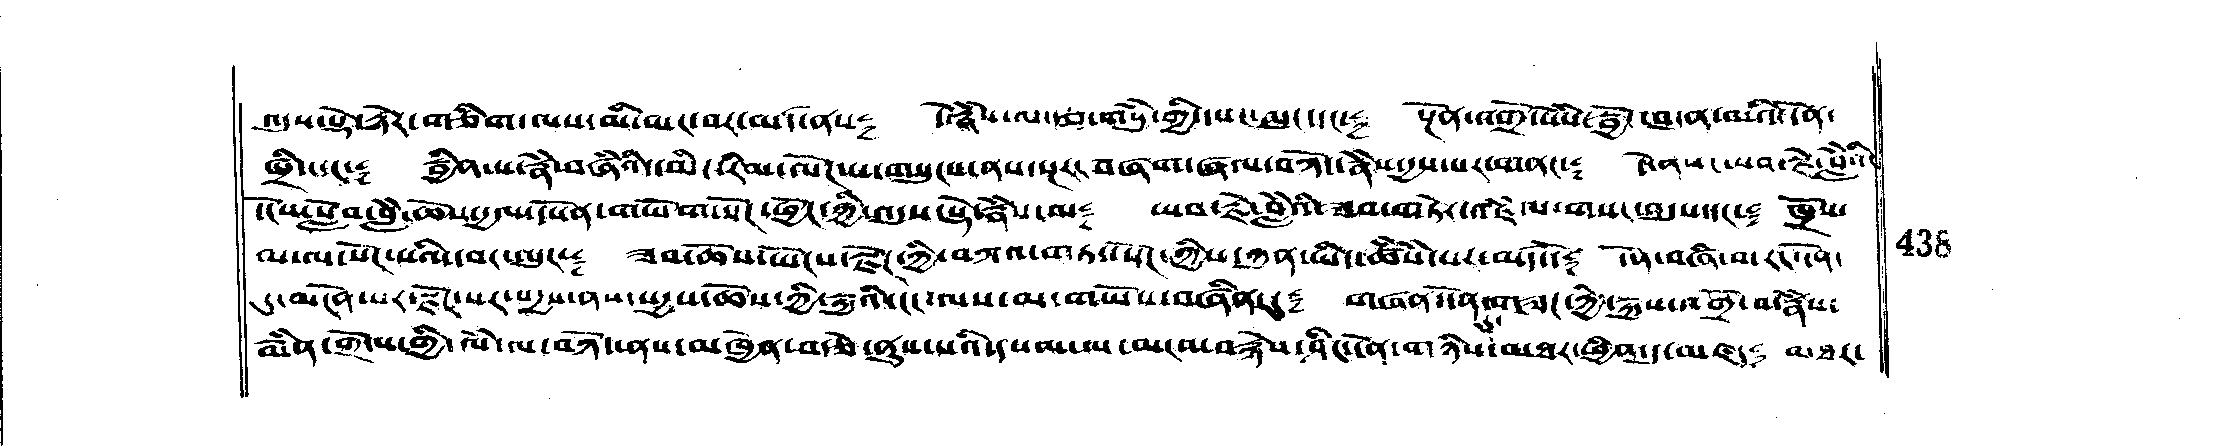འདུས་སྡེ་ཉེར་གཅིག་ལས་མི་མང་བར་མཛད་ནས། དེ་རྣམས་ལ་རྩ་གསུམ་གྱི་དབང་ལུང་དང་། སྔོན་འགྲོ་སེམས་སྦྱོང་བདུན་མའི་དོན་
ཁྲི་དང་། སྦྱིན་པ་རྣམ་བཞིའི་དམིགས་རིམ་ལ་སོགས་པ་གསུངས་ནས་སྔར་བཞག་ཞལ་བཀོད་རྣམས་རྒྱས་པར་གནང་། དེ་ནས་ཡབ་རྗེ་བླ་མའི་
དངོས་སློབ་བླ་མ་ཆོས་རྒྱལ་དཔོན་གཡོག་སོགས་ཕྱོགས་ཀྱི་འདུས་སྡེ་རྣམས་ལ། ཡབ་རྗེ་བླ་མའི་ཟབ་གཏེར་འཇམ་དཔལ་གསང་འདུས་དང་། ཁྲོས་
མ་ལ་སོགས་པའི་དབང་ལུང་། ཟབ་ཆོས་ཡོངས་རྫོགས་ཀྱི་བཀའ་གཏད་སོགས་ཀྱིས་ཀུན་ཡིད་ཚིམས་པར་མཛད་དོ། དོན་བཞི་པ་རང་དོན་
དུ་མངོན་པར་རྫོགས་པར་སངས་རྒྱས་ནས་སངས་རྒྱས་ཆོས་ཀྱི་སྐུའི་ངང་ལས་མ་གཡོས་བཞིན་དུ། གཞན་དོན་དུ་གཟུགས་ཀྱི་སྐུས་འགྲོ་བ་རྣམས་
སྨིན་གྲོལ་གྱི་ལམ་ལ་བཀོད་ནས་མཁྱེན་བརྩེ་ནུས་པའི་དཔལ་ལ་མངའ་བརྙེས་ཤིང་དོན་གཉིས་མཐར་ཕྱིན་དུ་མཛད། མཐར་